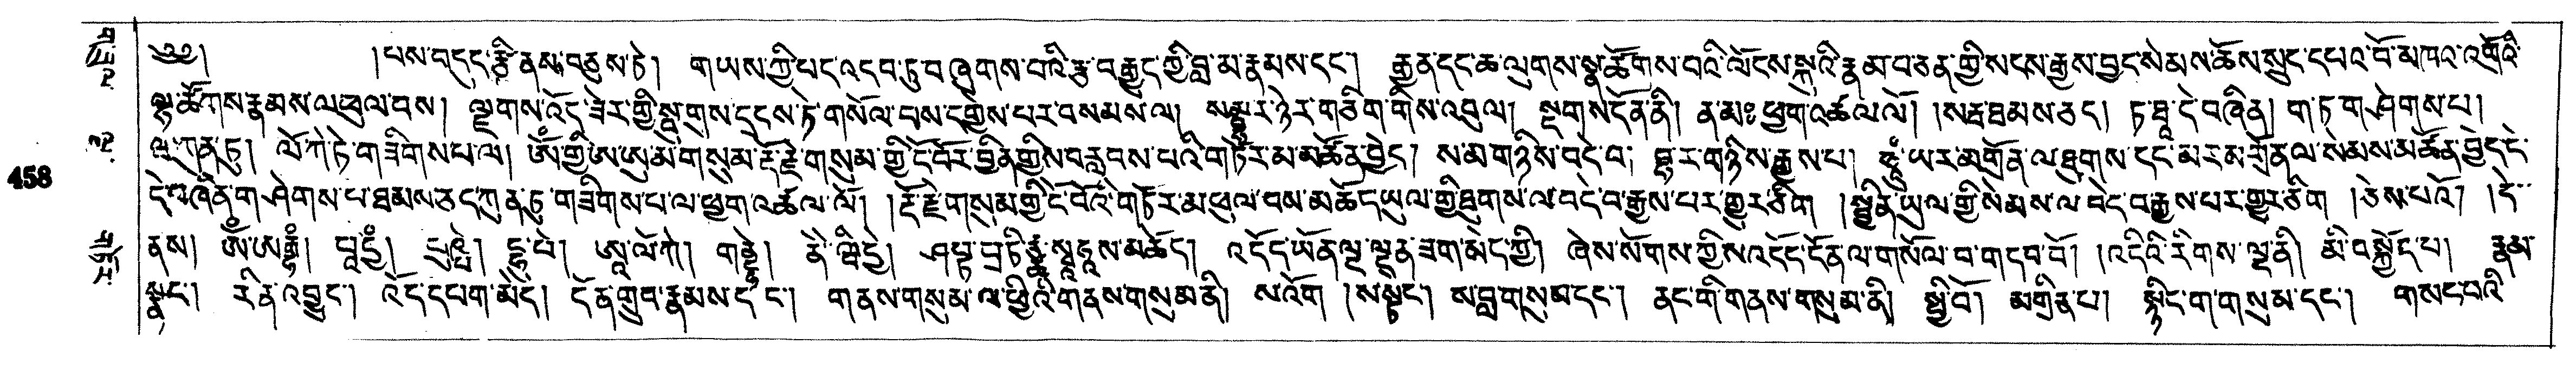༄༅། །པས་བདུད་རྩི་ནས་བཅུས་ཏེ། གཡས་ཀྱི་པད་འདབ་ཏུ་བཞུགས་པའི་རྩ་བརྒྱུད་ཀྱི་བླ་མ་རྣམས་དང་། རྒྱན་དང་ཆ་ལུགས་སྣ་ཚོགས་པའི་ལོངས་སྐུའི་རྣམ་པ་ཅན་གྱི་སངས་རྒྱས་བྱང་སེམས་ཆོས་སྲུང་དཔའ་བོ་མཁའ་འགྲོའི་
ལྷ་ཚོགས་རྣམས་ལ་ཕུལ་བས། ལྗགས་འོད་ཟེར་གྱི་སྦུ་གུས་དྲངས་ཏེ་གསོལ་བས་དགྱེས་པར་བསམས་ལ། སམྦྷུ་ར་ཉེར་གཅིག་གིས་འབུལ། སྔགས་དོན་ནི། ན་མཿ ཕྱག་འཚལ་ལོ། །སརྦ་ཐམས་ཅད། ཏ་ཐཱ་དེ་བཞིན། ག་ཏ་གཤེགས་པ།
ཝ་ཀུན་ཏུ། ལོ་ཀེ་ཏེ་གཟིགས་པ་ལ། ཨོཾ་གྱི་ཨ་ཨུ་མ་གསུམ་རྡོ་རྗེ་གསུམ་གྱི་ངོ་བོར་བྱིན་གྱིས་བརླབས་པའི་གཏོར་མ་མཚོན་བྱེད། ས་མ་གཉིས་བདེ་བ། བྷ་ར་གཉིས་རྒྱས་པ། ཧཱུཾ་ཡར་མགྲོན་ལ་ཐུགས་དང་མར་མགྲོན་ལ་སེམས་མཚོན་བྱེད་དེ་
དེ་བཞིན་གཤེགས་པ་ཐམས་ཅད་ཀུན་ཏུ་གཟིགས་པ་ལ་ཕྱག་འཚལ་ལོ། །རྡོ་རྗེ་གསུམ་གྱི་ངོ་བོའི་གཏོར་མ་ཕུལ་བས་མཆོད་ཡུལ་གྱི་ཐུགས་ལ་བདེ་བ་རྒྱས་པར་གྱུར་ཅིག །སྦྱིན་ཡུལ་གྱི་སེམས་ལ་བདེ་བ་རྒྱས་པར་གྱུར་ཅིག །ཅེས་པའོ། །དེ་
ནས། ཨོཾ་ཨརྒྷཾ། པཱ་དྱཾ། པུཥྤེ། དྷུ་པེ། ཨཱ་ལོ་ཀེ། གནྡྷེ། ནཻ་ཝི་དྱེ། ཤཔྟ་པྲ་ཏི་ཙྪ་སྭཱཧཱ་ས་མཆོད། འདོད་ཡོན་ལྔ་ལྡན་ཟག་མེད་ཀྱི། ཞེས་སོགས་ཀྱིས་འདོད་དོན་ལ་གསོལ་བ་གདབ་བོ། །འདིའི་རིགས་ལྔ་ནི། མི་བསྐྱོད་པ། རྣམ་
སྣང་། རིན་འབྱུང་། འོད་དཔག་མེད། དོན་གྲུབ་རྣམས་དང་། གནས་གསུམ་ལ་ཕྱིའི་གནས་གསུམ་ནི། ས་འོག །ས་སྟང་། ས་བླ་གསུམ་དང་། ནང་གི་གནས་གསུམ་ནི། སྤྱི་བོ། མགྲིན་པ། སྙིང་ག་གསུམ་དང་། གསང་བའི་